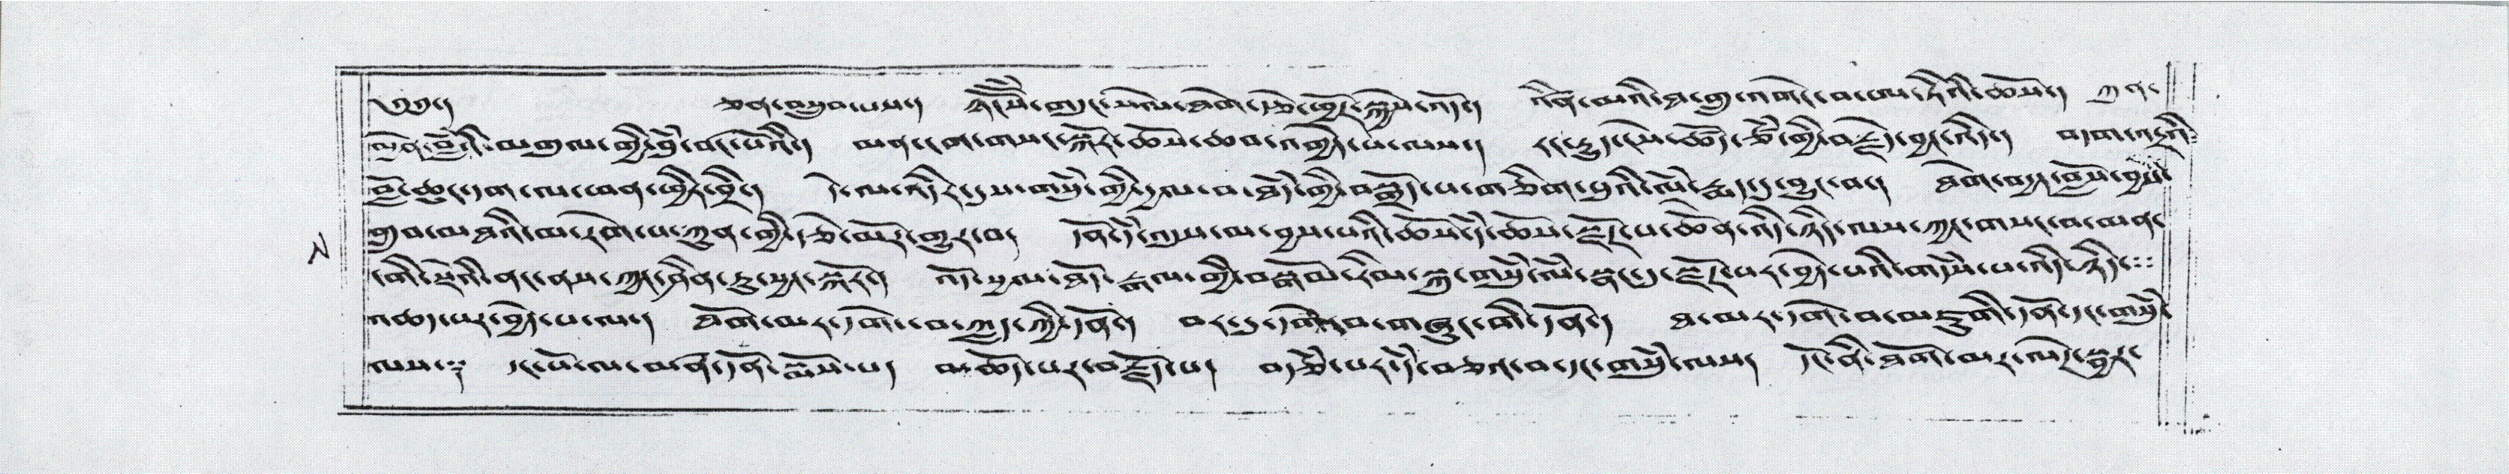ཅན་བསྲུབས་པས། ཉོན་མོངས་གདུང་སེལ་ཐེག་རྩེ་ཕྱོགས་སྐྱེས་འོད། འཛིན་མའི་ཐ་གྲུ་འགེང་བ་ཨ་ཏིའི་ཆོས། ཀུན་
མཁྱེན་བླ་མའི་འགུལ་གྱི་བུམ་བཟང་པའི། མན་ངག་གསང་སྐོར་ཆོས་ཆབ་འགྱེད་པ་ལས། རང་རྒྱུད་ངེས་ཚོད་ཙམ་གྱི་བརྗེད་བྱང་འདི། བདག་འདྲའི་
བློ་ཆུང་དག་ལ་ཕན་ཕྱིར་བྲི། དེ་ལ་འདིར་དུས་གསུམ་གྱི་རྒྱལ་བ་ཐམས་ཅད་ཀྱི་བགྲོད་པ་གཅིག་པུའི་ལམ་རྨད་དུ་བྱུང་བ། ཐེག་བརྒྱད་སློབ་བྱའི་
གྲུབ་མཐའི་མ་རེག་པ་ཀུན་གྱི་རྩེ་མོར་གྱུར་པ། དོན་དམ་འདུས་མ་བྱས་པའི་ཆོས་དམ་ཆོས་རྫོགས་པ་ཆེན་པོ་འདི་ཉིད་ལས་ཀྱང་གསང་བ་མན་
ངག་གི་སྡེའི་ནང་ནས་ཀྱང་ཤིན་ཏུ་གསང་སྐོར། འོད་གསལ་ཐོད་རྒལ་གྱི་སྒོམ་རིམ་སྐུ་གསུམ་ལམ་སྣང་དུ་རྫོགས་པར་བྱེད་པའི་གདམས་པ་འདི་ཉིད་
འཆད་པར་བྱེད་པ་ལ། ཐོག་མར་དགེ་བ་ཀླད་ཀྱི་དོན། བར་དུ་དགེ་བ་གཞུང་གི་དོན། ཐ་མར་དགེ་བ་མཇུག་གི་དོན་དང་གསུམ་
ལས། དང་པོ་ལ་མཚན་དོན་སྨོས་པ། མཆོད་པར་བརྗོད་པ། བརྩམ་པར་དམ་བཅའ་བ་དང་གསུམ་ལས། དང་པོ་ནི་ཐོག་མར་ལེགས་སྦྱར་